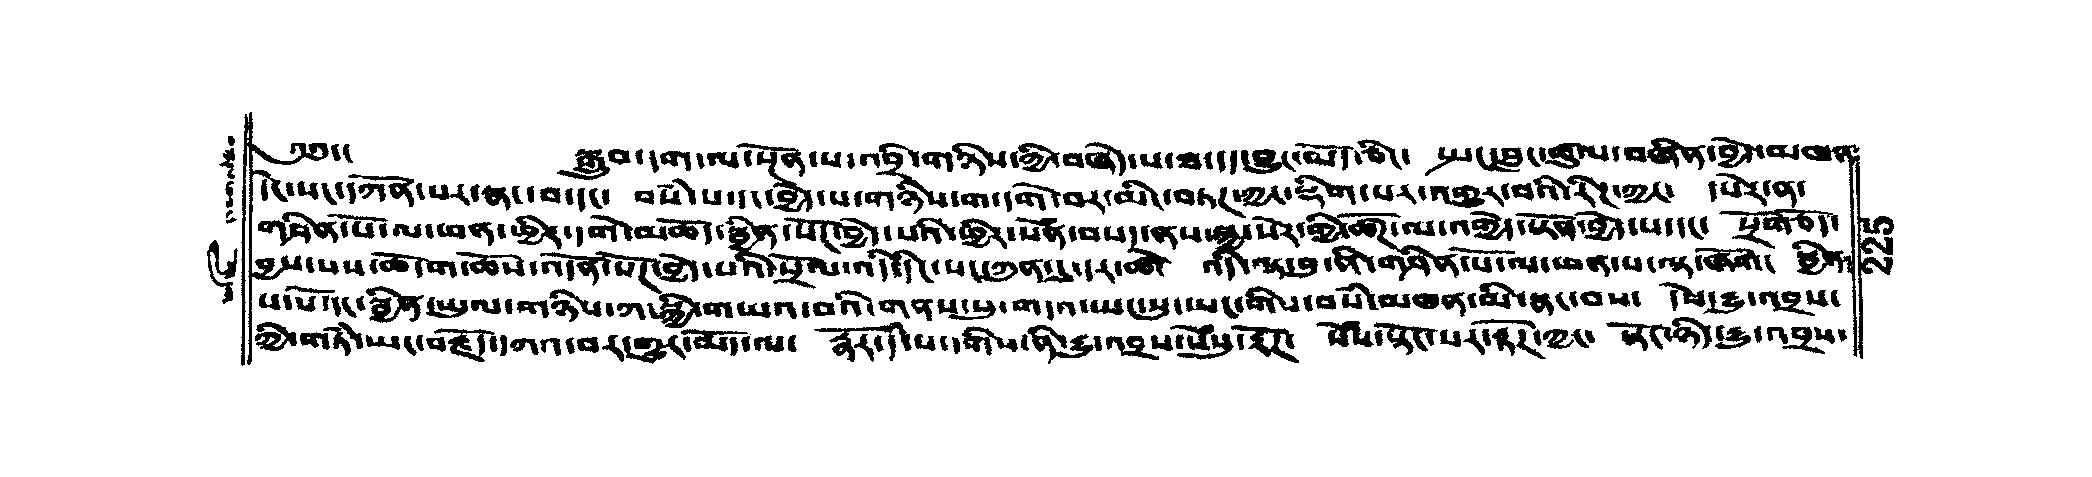སྒྲུབ་དག་ལ་སྔོན་ས་འབྲི་གཉིས་ཀྱི་བཞེད་པ་ཐ་དད་བྱུང་ཡོད་ཅིང་། སྤང་བླང་ཚུལ་བཞིན་བྱེད་མཁན་
དེང་སང་དཀོན་པར་སྣང་བ་དང་། བསམ་པ་དང་བྱེད་པ་གཉིས་ག་དགེ་བར་མིང་བཏགས་ཀྱང་སྡིག་པར་འགྱུར་བའི་རིགས་ཀྱང་། དཔེར་ན། 
གཤིན་པོ་ལ་ཕན་ཕྱིར་དགེ་མཆོད་སྦྱིན་སོགས་བྱེད་པའི་ཕྱིར་སེམས་ཅན་བསད་ནས་སྐྱ་སེར་གྱི་ཚོགས་ལ་འགྱེད་སྟོན་བྱེད་པ་དང་། སྲོག་གཅོད་
བྱས་པས་ཆོ་ག་ཆོས་འདོན་སོགས་བྱེད་པའི་སྲོལ་འདི་དིང་སང་ཀུན་ཏུ་དར་ཚེ། འདི་ལྟ་བུ་ནི་གཤིན་པོ་ལ་ཕན་པ་ལྟ་ཞོག སྦྱིན་
པ་པོ་དང་སྦྱིན་ཡུལ་གཉིས་ཀ་སྐྱི་གཡའ་བའི་གནས་སུ་གདའ་ཡང་སུ་གང་གིས་བསམ་མཁན་མི་སྣང་བས། དེས་རྒྱུ་འབྲས་
ཀྱི་གཏམ་ཡང་བརྗོད་དཀའ་བར་གྱུར་མོད་ལ། རྣལ་འབྱོར་དམ་པ་དག་གིས་ནི་རྒྱུ་འབྲས་སེམས་སུ་རྟོགས། སེམས་སྟོང་པར་རྟོགས་ཀྱང་། སྟོང་ཉིད་རྒྱུ་འབྲས་